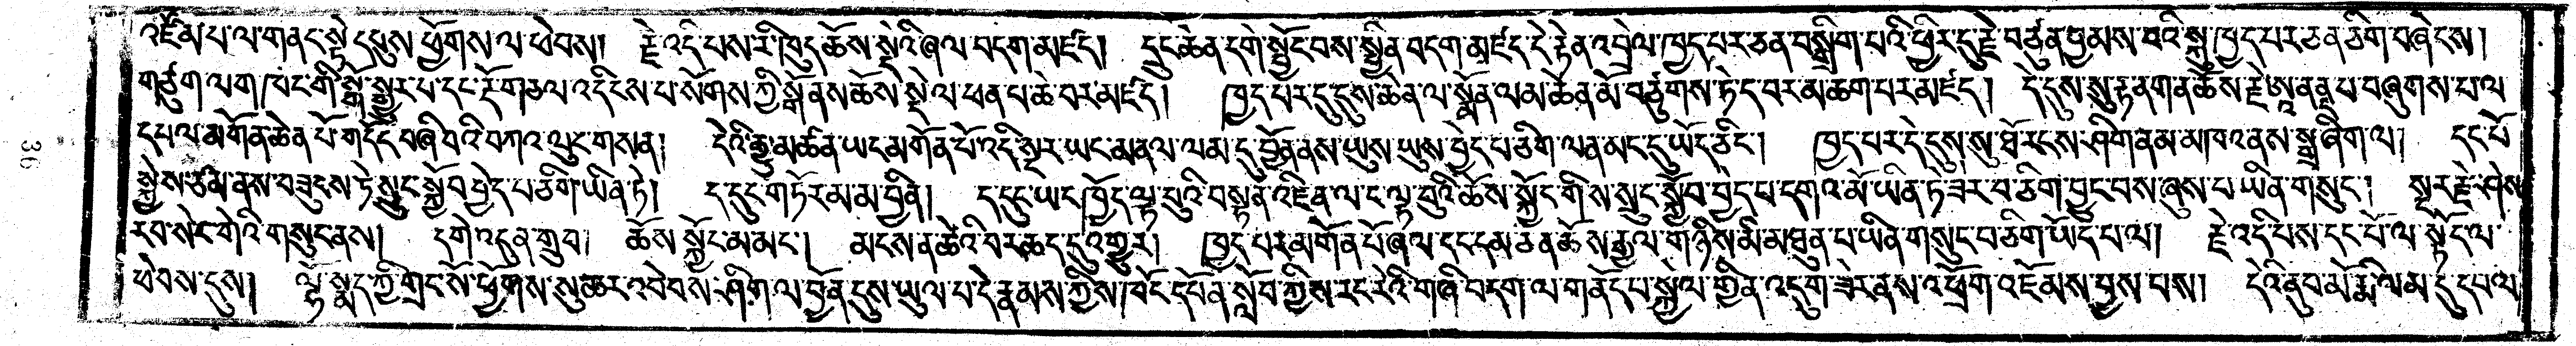འཛོམ་པ་ལ་གནང་སྟེ་དབུས་ཕྱོགས་ལ་ཕེབས། རྗེ་འདི་པས་རི་ཁུད་ཆོས་སྡེའི་ཞལ་བདག་མཛད། དྲུང་ཆེན་དགེ་སྦྱོང་བས་སྦྱིན་བདག་མཛད་དེ་རྟེན་འབྲེལ་ཁྱད་པར་ཅན་བསྒྲིག་པའི་ཕྱིར་དུ་རྗེ་བཙུན་བྱམས་པའི་སྐུ་ཁྱད་པར་ཅན་ཅིག་བཞེངས།
གཙུག་ལག་ཁང་གི་སྒོ་སྒྱུར་པ་དང་རྡོ་གཅལ་འདིངས་པ་སོགས་ཀྱི་སྒོ་ནས་ཆོས་སྡེ་ལ་ཕན་པ་ཆེ་བར་མཛད། ཁྱད་པར་དུ་དུས་ཆེན་ལ་སྨོན་ལམ་ཆེན་མོ་བཙུགས་ཏེ་ད་བར་མ་ཆག་པར་མཛད། དེ་དུས་སུ་རྟ་ནག་ན་ཆོས་རྗེ་ཨཱ་ནནྡ་པ་བཞུགས་པ་ལ་
དཔལ་མགོན་ཆེན་པོ་གདོང་བཞི་བའི་བཀའ་ལུང་གསན། དེའི་རྒྱུ་མཚན་ཡང་མགོན་པོ་འདི་སྔར་ཡང་མནལ་ལམ་དུ་བྱོན་ནས་ཡུས་ཡུས་བྱེད་པ་ཅིག་ལན་མང་དུ་ཡོད་ཅིང་། ཁྱད་པར་དེ་དུས་སུ་ཐོ་རངས་ཤིག་ནམ་མཁའ་ནས་སྒྲ་ཞིག་ལ། དང་པོ་
སྐྱེས་ཙམ་ནས་བཟུངས་ཏེ་སྲུང་སྐྱོབ་བྱེད་པ་ཅིག་ཡིན་ཏེ། ད་དུང་གཏོར་མ་མ་བྱིན། ད་དུང་ཡང་ཁྱོད་ལྟ་བུའི་བསྟན་འཛིན་ལ་ང་ལྟ་བུའི་ཆོས་སྐྱོང་གིས་སྲུང་སྐྱོབ་བྱེད་པ་དགའ་མོ་ཡིན་ཏེ་ཟེར་བ་ཅིག་བྱུང་བས་ཞུས་པ་ཡིན་གསུང་། སྔར་རྗེ་ཤེས་
རབ་སེང་གེའི་གསུང་ནས། དགེ་འདུན་གྲུབ། ཆོས་སྐྱོང་མ་མང་། མངས་ན་ཆེའི་བར་ཆད་དུ་འགྱུར། ཁྱད་པར་མགོན་པོ་ཞལ་དང་དམ་ཅན་ཆོས་རྒྱལ་གཉིས་མི་མཐུན་པ་ཡིན་གསུང་བ་ཅིག་ཡོད་པ་ལ། རྗེ་འདི་པས་དང་པོ་ལ་སྟོད་ལ་
ཕེབས་དུས། ལྷོ་སྨད་ཀྱི་གྲང་སོ་ཕྱོགས་སུ་ཆར་འབེབས་ཤིག་ལ་བྱོན་དུས་ཡུལ་པ་དེ་རྣམས་ཀྱིས་ཁོང་དཔོན་སློབ་ཀྱིས་རང་རེའི་གཞི་བདག་ལ་གནོད་པ་སྐྱེལ་གྱིན་འདུག་ཟེར་ནས་འཕྲོག་འཇོམས་བྱས་པས། དེའི་ནུབ་མོ་རྨི་ལམ་དུ་དཔལ་